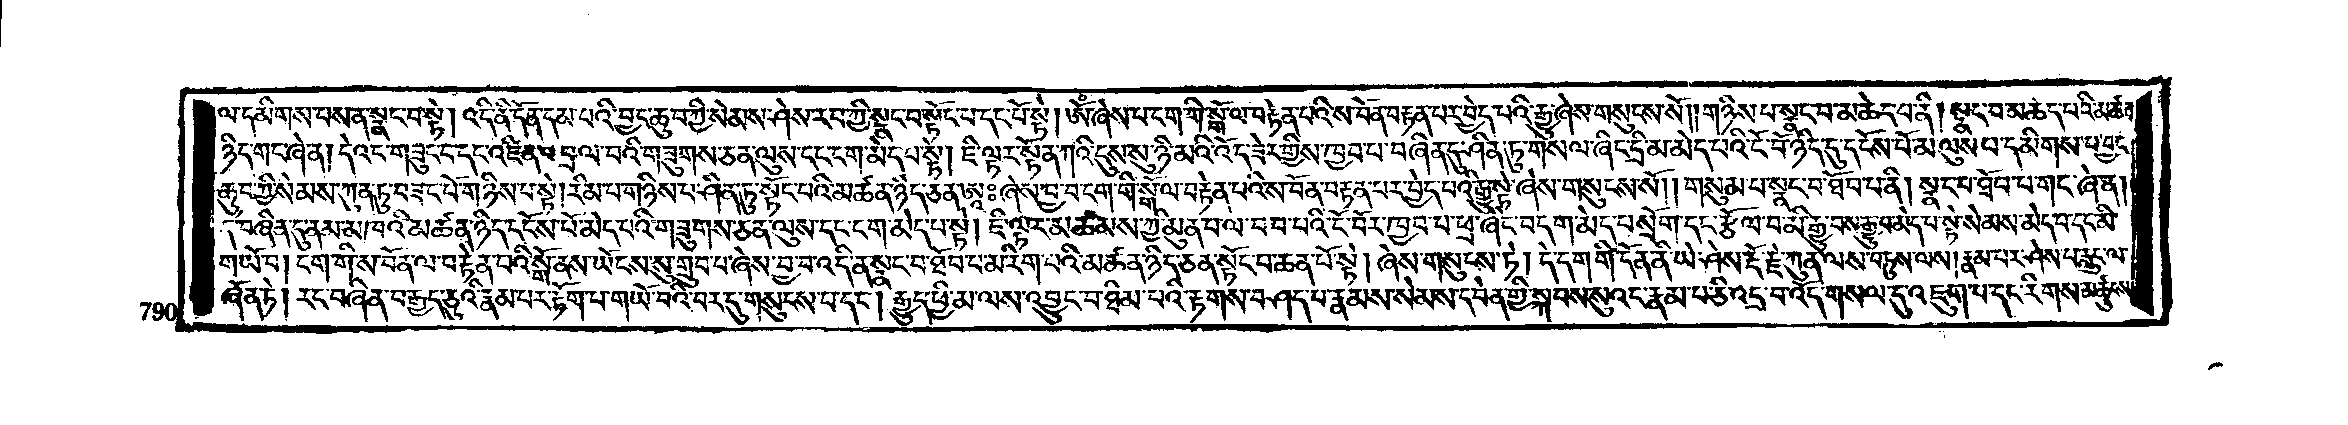ལ་དམིགས་པས་ན་སྣང་བ་སྟེ། འདི་ནི་དོན་དམ་པའི་བྱང་ཆུབ་ཀྱི་སེམས་ཤེས་རབ་ཀྱི་སྣང་བ་སྟོང་པ་དང་པོ་སྟེ། ཨོཾ་ཞེས་པ་ངག་གི་སྒོ་ལ་བརྟེན་པའི་ས་བོན་བརྟན་པར་བྱེད་པའི་རྒྱུ་ཞེས་གསུངས་སོ། །གཉིས་པ་སྣང་བ་མཆེད་པ་ནི། སྣང་བ་མཆེད་པའི་མཚན་
ཉིད་གང་ཞེ་ན། དེའང་གཟུང་བ་དང་འཛིན་པ་བྲལ་བའི་གཟུགས་ཅན་ལུས་དང་ངག་མེད་པ་སྟེ། ཇི་ལྟར་སྟོན་ཀའི་དུས་སུ་ཉི་མའི་འོད་ཟེར་གྱིས་ཁྱབ་པ་བཞིན་དུ་ཤིན་ཏུ་གསལ་ཞིང་དྲི་མ་མེད་པའི་ངོ་བོ་ཉིད་དུ་དངོས་པོ་མ་ལུས་པ་དམིགས་པ་བྱང་
ཆུབ་ཀྱི་སེམས་ཀུན་ཏུ་བཟང་པོ་གཉིས་པ་སྟེ། རིམ་པ་གཉིས་པ་ཤིན་ཏུ་སྟོང་པའི་མཚན་ཉིད་ཅན་ཨཱཿ ཞེས་བྱ་བ་ངག་གི་སྒོ་ལ་བརྟེན་པའི་ས་བོན་བརྟན་པར་བྱེད་པའི་རྒྱུ་སྟེ་ཞེས་གསུངས་སོ། །གསུམ་པ་སྣང་བ་ཐོབ་པ་ནི། སྣང་བ་ཐོབ་པ་གང་ཞེ་ན།
དེ་བཞིན་དུ་ནམ་མཁའི་མཚན་ཉིད་དངོས་པོ་མེད་པའི་གཟུགས་ཅན་ལུས་དང་ངག་མེད་པ་སྟེ། ཇི་ལྟར་མཚམས་ཀྱི་མུན་པ་ལ་བབ་པའི་ངོ་བོར་ཁྱབ་པ་ཕྲ་ཞིང་བདག་མེད་པ་སྲོག་དང་རྩོལ་བ་མི་རྒྱུ་བས་རྒྱུ་བ་མེད་པ་སྟེ་སེམས་མེད་པ་དང་མི་
གཡོ་བ། ངག་གི་ས་བོན་ལ་བརྟེན་པའི་སྒོ་ནས་ཡོངས་སུ་གྲུབ་པ་ཞེས་བྱ་བ་འདི་ནི་སྣང་བ་ཐོབ་པ་མ་རིག་པའི་མཚན་ཉིད་ཅན་སྟོང་པ་ཆེན་པོ་སྟེ། ཞེས་གསུངས་ཏེ། དེ་དག་གི་དོན་ནི་ཡེ་ཤེས་རྡོ་རྗེ་ཀུན་ལས་བཏུས་ལས། རྣམ་པར་ཤེས་པ་རླུང་ལ་
ཞོན་ཏེ། རང་བཞིན་བརྒྱད་ཅུའི་རྣམ་པར་རྟོག་པ་གཡོ་བའི་བར་དུ་གསུངས་པ་དང་། རྒྱུད་ཕྱི་མ་ལས་འབྱུང་བ་ཐིམ་པའི་རྟགས་བཤད་པ་རྣམས་སེམས་དབེན་གྱི་སྐབས་སུའང་རྣམ་པ་ཅི་འདྲ་བ་འོད་གསལ་དུ་འཇུག་པ་དང་རིགས་མཚུངས་